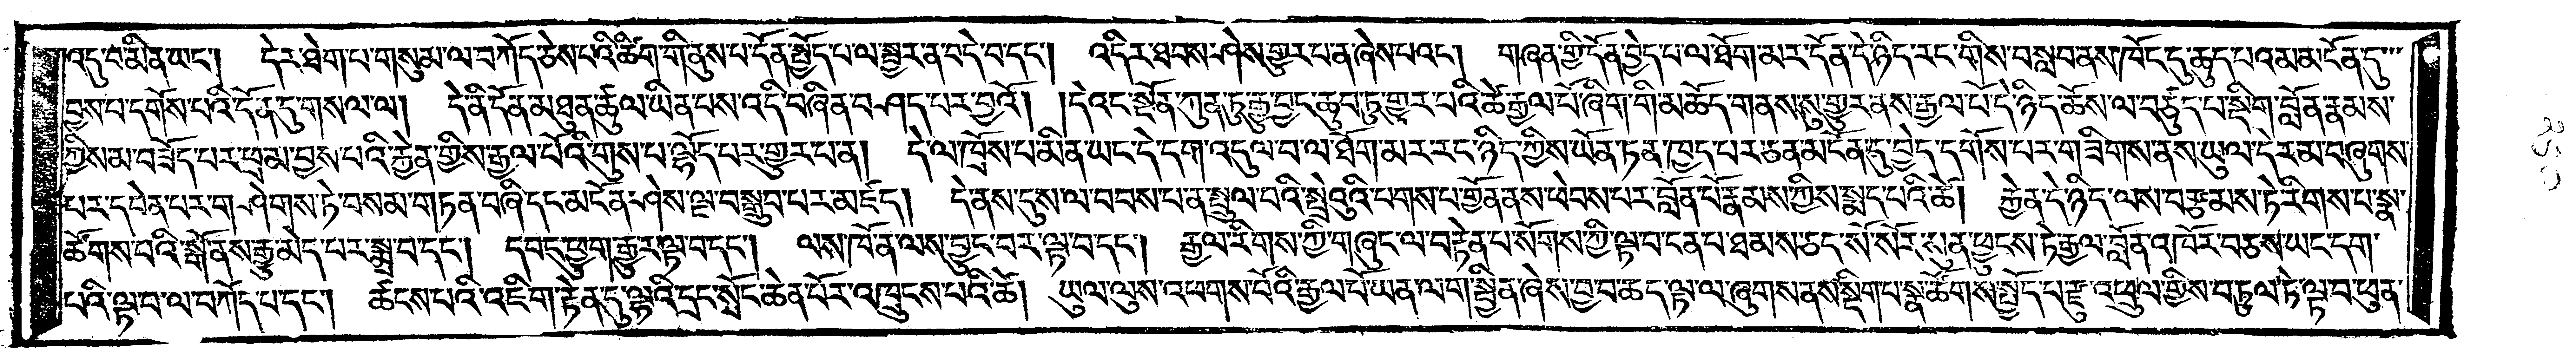འདུ་བ་མིན་ཡང་། དེར་ཐེག་པ་གསུམ་ལ་བཀོད་ཅེས་པའི་ཚིག་གི་ནུས་པ་དོན་སྤྱོད་པ་ལ་སྦྱར་ན་བདེ་བ་དང་། འདིར་ཐབས་ཤེས་གྱུར་པ་ན་ཞེས་པའང་། གཞན་གྱི་དོན་བྱེད་པ་ལ་ཐོག་མར་དོན་དེ་ཉིད་རང་གིས་བསླབ་ནས་ཁོང་དུ་ཆུད་པའམ་མངོན་དུ་
བྱས་པ་དགོས་པའི་དོན་དུ་གསལ་ལ། དེ་ནི་དོན་མཐུན་ཚུལ་ཡིན་པས་འདི་བཞིན་བཤད་པར་བྱའོ། །དེའང་སྔོན་ཀུན་ཏུ་རྒྱུ་བྱང་ཆུབ་ཏུ་གྱུར་པའི་ཚེ་རྒྱལ་པོ་ཞིག་གི་མཆོད་གནས་སུ་གྱུར་ནས་རྒྱལ་པོ་དེ་ཉིད་ཆོས་ལ་བཅུད་པ་སྡིག་བློ་ན་རྣམས་
ཀྱིས་མ་བཟོད་པར་ཕྲ་མ་བྱས་པའི་རྐྱེན་གྱིས་རྒྱལ་པོའི་གུས་པ་ལྷོད་པར་གྱུར་པ་ན། དེ་ལ་ཁྲོས་པ་མིན་ཡང་དེ་དག་འདུལ་བ་ལ་ཐོག་མར་རང་ཉིད་ཀྱིས་ཡོན་ཏན་ཁྱད་པར་ཅན་མངོན་དུ་བྱེད་དགོས་པར་གཟིགས་ནས་ཡུལ་དར་མ་བཞུགས་
པར་དཔེན་པར་གཤེགས་ཏེ་བསམ་གཏན་བཞི་དང་མངོན་ཤེས་ལྔ་བསྒྲུབ་པར་མཛད། དེ་ནས་དུས་ལ་བབས་པ་ན་སྤྲུལ་བའི་སྤྲེའུའི་པགས་པ་གྱོན་ནས་ཕེབས་པར་བློན་པོ་རྣམས་ཀྱིས་སྨད་པའི་ཚེ། རྐྱེན་དེ་ཉིད་ལས་བརྩམས་ཏེ་རིགས་པ་སྣ་
ཚོགས་པའི་སྒོ་ནས་རྒྱུ་མེད་པར་སྨྲ་བ་དང་། དབང་ཕྱུག་རྒྱུར་ལྟ་བ་དང་། ལས་ཁོ་ན་ལས་བྱུང་བར་ལྟ་བ་དང་། རྒྱལ་རིགས་ཀྱི་གཞུང་ལ་བརྟེན་པ་སོགས་ཀྱི་ལྟ་བ་ངན་པ་ཐམས་ཅད་སོ་སོར་སུན་ཕྱུང་ཏེ་རྒྱལ་བློན་འཁོར་བཅས་ཡང་དག་
པའི་ལྟ་བ་ལ་བཀོད་པ་དང་། ཚངས་པའི་འཇིག་རྟེན་དུ་ལྷའི་དྲང་སྲོང་ཆེན་པོར་འཁྲུངས་པའི་ཚེ། ཡུལ་ལུས་འཕགས་པོའི་རྒྱལ་པོ་ཡན་ལག་སྦྱིན་ཞེས་བྱ་བ་ཆད་ལྟ་ལ་ཞུགས་ནས་སྡིག་པ་སྣ་ཚོགས་སྤྱོད་པ་རྫུ་འཕྲུལ་གྱིས་བཏུལ་ཏེ་ལྟ་བ་ཕུན་